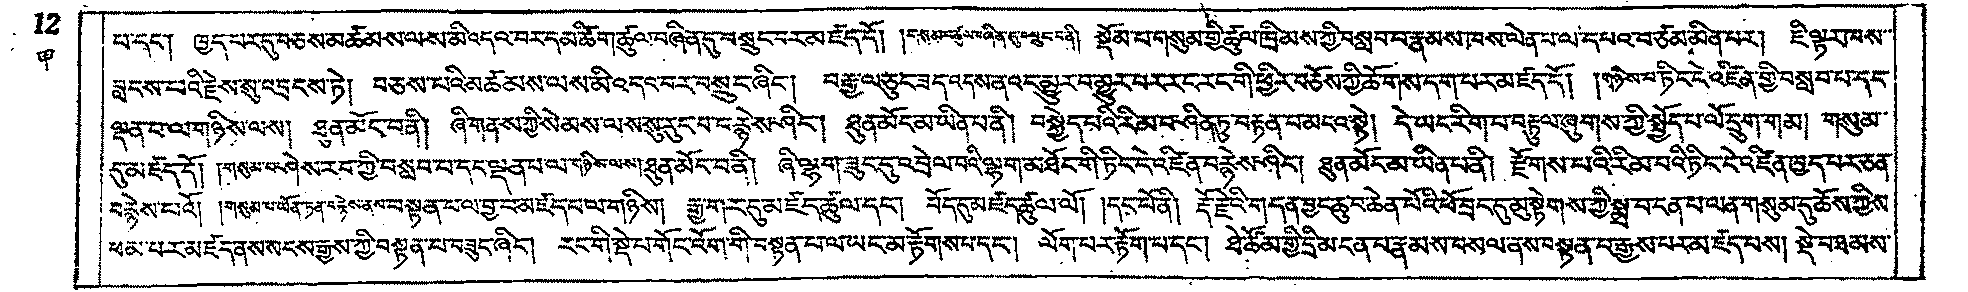པ་དང་། ཁྱད་པར་དུ་བཅས་མཚམས་ལས་མི་འདའ་བར་དམ་ཚིག་ཚུལ་བཞིན་དུ་བསྲུང་བར་མཛད་དོ། །གསུམ་པ་ཚུལ་བཞིན་དུ་བསྲུང་བ་ནི།  སྡོམ་པ་གསུམ་གྱི་ཚུལ་ཁྲིམས་ཀྱི་བསླབ་པ་རྣམས་ཁས་ལེན་པ་ལ་དཔའ་བ་ཙམ་མིན་པར། ཇི་ལྟར་ཁས་
བླངས་པའི་རྗེས་སུ་འབྲངས་ཏེ། བཅས་པའི་མཚམས་ལས་མི་འདའ་བར་བསྲུང་ཞིང་། བརྒྱ་ལ་ཅུང་ཟད་འདས་ནའང་མྱུར་བ་མྱུར་བར་རང་རང་གི་ཕྱིར་བཅོས་ཀྱི་ཆོ་གས་དག་པར་མཛད་དོ། །གཉིས་པ་ཏིང་ངེ་འཛིན་གྱི་བསླབ་པ་དང་
ལྡན་པ་ལ་གཉིས་ལས། ཐུན་མོང་བ་ནི། ཞི་གནས་ཀྱི་སེམས་ལས་སུ་རུང་བ་བརྙེས་ཤིང་། ཐུན་མོང་མ་ཡིན་པ་ནི། བསྐྱེད་པའི་རིམ་བ་ཤིན་ཏུ་བརྟན་པ་མངའ་སྟེ། དེ་ཡང་རིག་པ་བརྟུལ་ཞུགས་ཀྱི་སྤྱོད་པ་ལོ་དྲུག་གམ། གསུམ་
དུ་མཛད་དོ། །གསུམ་པ་ཤེས་རབ་ཀྱི་བསླབ་པ་དང་ལྡན་པ་ལ་གཉིས་ལས།  ཐུན་མོང་བ་ནི། ཞི་ལྷག་ཟུང་དུ་འབྲེལ་བའི་ལྷག་མཐོང་གི་ཏིང་ངེ་འཛིན་བརྙེས་ཤིང་། ཐུན་མོང་མ་ཡིན་པ་ནི། རྫོགས་པའི་རིམ་པའི་ཏིང་ངེ་འཛིན་ཁྱད་པར་ཅན་
བརྙེས་པའོ། །གསུམ་པ་ཡོན་ཏན་བརྙེས་ནས་བསྟན་པ་ལ་བྱ་བ་མཛད་པ་ལ་གཉིས། རྒྱ་གར་དུ་མཛད་ཚུལ་དང་། བོད་དུ་མཛད་ཚུལ་ལོ། །དང་པོ་ནི། རྡོ་རྗེའི་གདན་བྱང་ཆུབ་ཆེན་པོའི་ཕོ་བྲང་དུ་མུ་སྟེགས་ཀྱི་སྨྲ་བ་ངན་པ་ལན་གསུམ་དུ་ཆོས་ཀྱིས་
ཕམ་པར་མཛད་ནས་སངས་རྒྱས་ཀྱི་བསྟན་པ་བཟུང་ཞིང་། རང་གི་སྡེ་པ་གོང་འོག་གི་བསྟན་པ་ལ་ཡང་མ་རྟོགས་པ་དང་། ལོག་པར་རྟོག་པ་དང་། ཐེ་ཚོམ་གྱི་དྲི་མ་ངན་པ་རྣམས་བསལ་ནས་བསྟན་པ་རྒྱས་པར་མཛད་པས། སྡེ་པ་ཐམས་